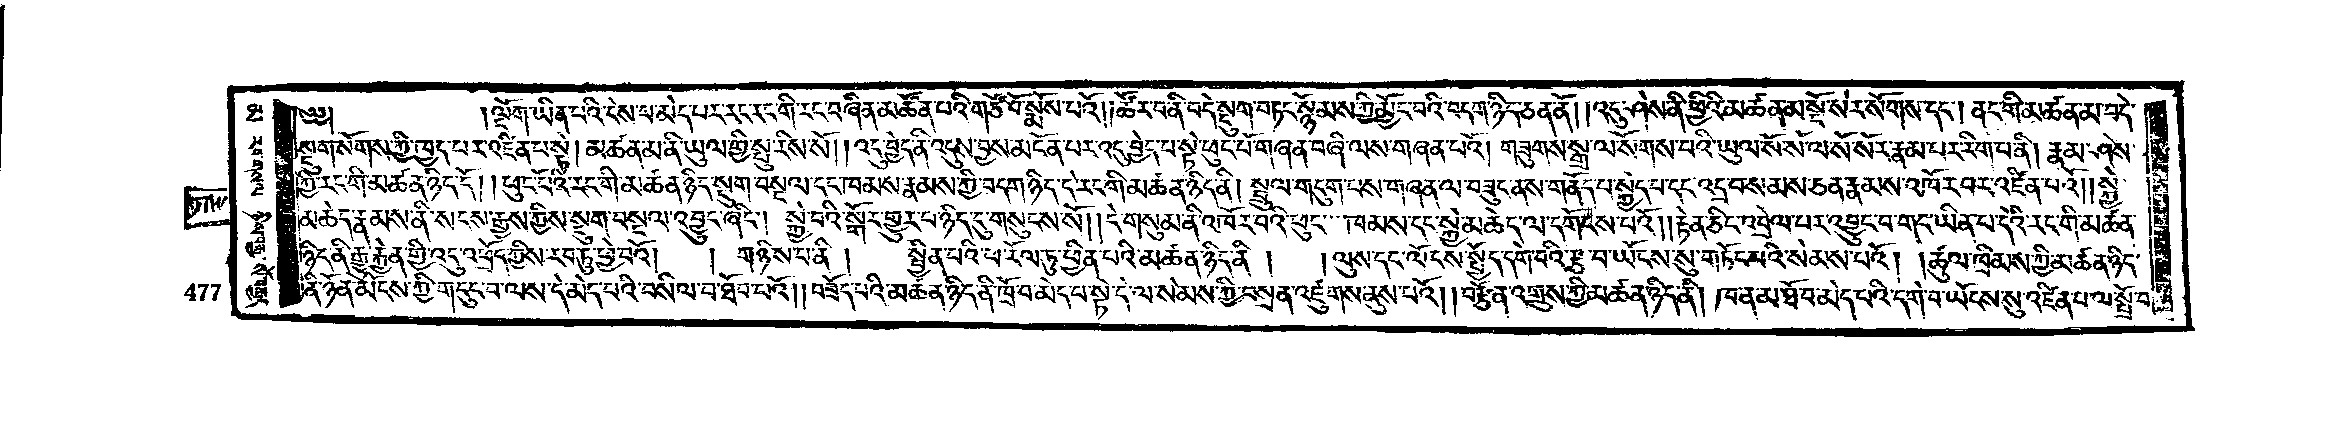༄༅། །ལྡོག་ཡིན་པའི་ངེས་པ་མེད་པར་རང་རང་གི་རང་བཞིན་མཚོན་པའི་གཙོ་བོ་སྨོས་པའོ། །ཚོར་བ་ནི་བདེ་སྡུག་བཏང་སྙོམས་ཀྱི་མྱོང་བའི་བདག་ཉིད་ཅན་ནོ། །འདུ་ཤེས་ནི་ཕྱིའི་མཚན་མ་སྔོ་སེར་སོགས་དང་། ནང་གི་མཚན་མ་བདེ་
སྡུག་སོགས་ཀྱི་ཁྱད་པར་འཛིན་པ་སྟེ། མཚན་མ་ནི་ཡུལ་གྱི་སྤུ་རིས་སོ། །འདུ་བྱེད་ནི་འདུས་བྱས་མངོན་པར་འདུ་བྱེད་པ་སྟེ་ཕུང་པོ་གཞན་བཞི་ལས་གཞན་པའོ། གཟུགས་སྒྲ་ལ་སོགས་པའི་ཡུལ་སོ་སོ་ལ་སོ་སོར་རྣམ་པར་རིག་པ་ནི། རྣམ་ཤེས་
ཀྱི་རང་གི་མཚན་ཉིད་དོ། །ཕུང་པོའི་རང་གི་མཚན་ཉིད་སྡུག་བསྔལ་དང་ཁམས་རྣམས་ཀྱི་བདག་ཉིད་དེ་རང་གི་མཚན་ཉིད་ནི། སྦྲུལ་གདུག་པས་གཞན་ལ་བཟུང་ནས་གནོད་པ་སྐྱེད་པ་དང་འདྲ་བ་སེམས་ཅན་རྣམས་འཁོར་བར་འཛིན་པའོ། །སྐྱེ་
མཆེད་རྣམས་ནི་སངས་རྒྱས་ཀྱིས་སྡུག་བསྔལ་འབྱུང་ཞིང་། སྐྱེ་བའི་སྒོར་གྱུར་པ་ཉིད་དུ་གསུངས་སོ། །དེ་གསུམ་ནི་འཁོར་བའི་ཕུང་ཁམས་དང་སྐྱེ་མཆེད་ལ་དགོངས་པའོ། །རྟེན་ཅིང་འབྲེལ་པར་འབྱུང་བ་གང་ཡིན་པ་དེའི་རང་གི་མཚན་
ཉིད་ནི་རྒྱུ་རྐྱེན་གྱི་འདུ་འཕྲོད་ཀྱིས་རབ་ཏུ་ཕྱེ་བའོ། །གཉིས་པ་ནི། སྦྱིན་པའི་ཕ་རོལ་ཏུ་ཕྱིན་པའི་མཚན་ཉིད་ནི། །ལུས་དང་ལོངས་སྤྱོད་དགེ་བའི་རྩ་བ་ཡོངས་སུ་གཏོང་པའི་སེམས་པའོ། །ཚུལ་ཁྲིམས་ཀྱི་མཚན་ཉིད་
ནི་ཉོན་མོངས་ཀྱི་གདུང་བ་ལས་དེ་མེད་པའི་བསིལ་བ་ཐོབ་པའོ། །བཟོད་པའི་མཚན་ཉིད་ནི་ཁྲོ་བ་མེད་པ་སྟེ་དེ་ལ་སེམས་ཀྱི་བསྲན་འཛུགས་ནུས་པའོ། །བརྩོན་འགྲུས་ཀྱི་མཚན་ཉིད་ནི། ཁ་ན་མ་ཐོ་བ་མེད་པའི་དགེ་བ་ཡོངས་སུ་འཛིན་པ་ལ་སྤྲོ་བ་